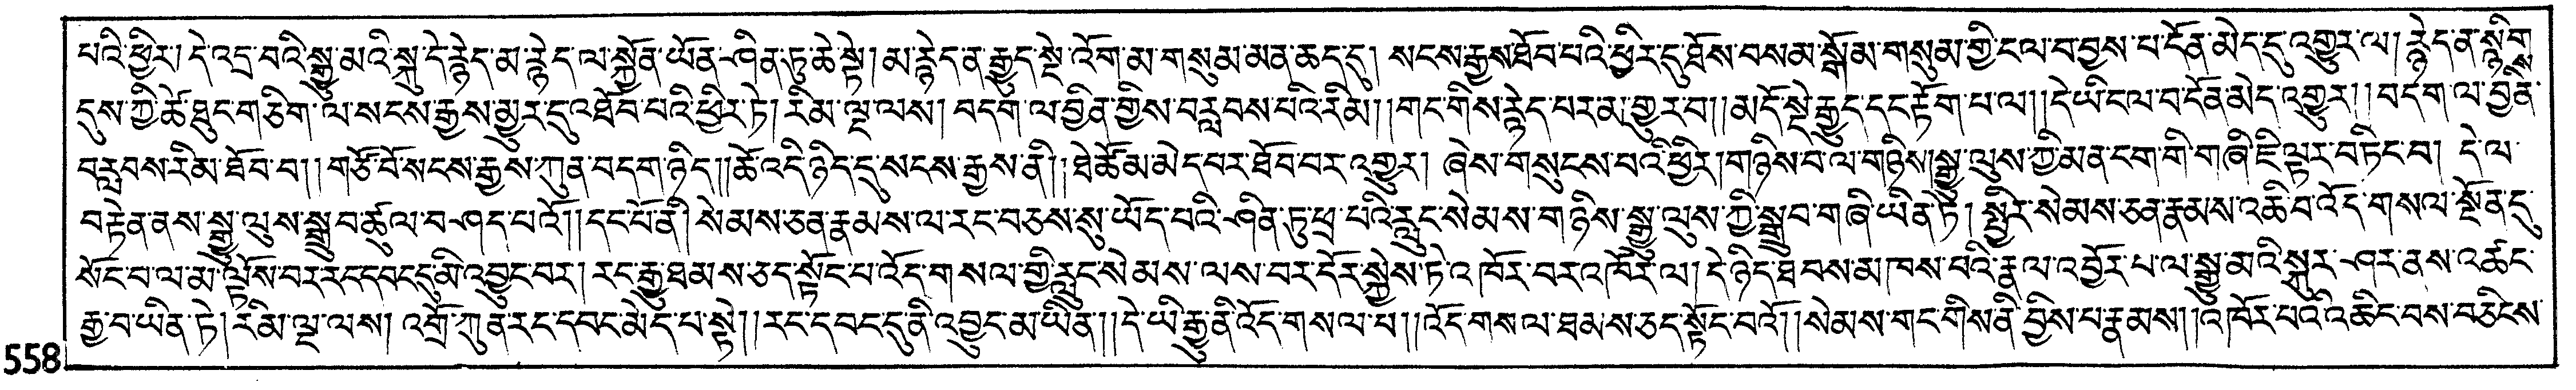པའི་ཕྱིར། དེ་འདྲ་བའི་སྒྱུ་མའི་སྐུ་དེ་རྙེད་མ་རྙེད་ལ་སྐྱོན་ཡོན་ཤིན་ཏུ་ཆེ་སྟེ། མ་རྙེད་ན་རྒྱུད་སྡེ་འོག་མ་གསུམ་མན་ཆད་དུ། སངས་རྒྱས་ཐོབ་པའི་ཕྱིར་དུ་ཐོས་བསམ་སྒོམ་གསུམ་གྱི་ངལ་བ་བྱས་པ་དོན་མེད་དུ་འགྱུར་ལ། རྙེད་ན་སྙིགས་
དུས་ཀྱི་ཚེ་ཐུང་གཅིག་ལ་སངས་རྒྱས་མྱུར་དུ་འཐོབ་པའི་ཕྱིར་ཏེ། རིམ་ལྔ་ལས། བདག་ལ་བྱིན་གྱིས་བརླབས་པའི་རིམ། །གང་གིས་རྙེད་པར་མ་གྱུར་བ། །མདོ་སྡེ་རྒྱུད་དང་རྟོག་པ་ལ། །དེ་ཡི་ངལ་བ་དོན་མེད་འགྱུར། །བདག་ལ་བྱིན་
བརླབས་རིམ་ཐོབ་པ། །གཙོ་བོ་སངས་རྒྱས་ཀུན་བདག་ཉིད། །ཚེ་འདི་ཉིད་དུ་སངས་རྒྱས་ནི། །ཐེ་ཚོམ་མེད་པར་ཐོབ་པར་འགྱུར། ཞེས་གསུངས་པའི་ཕྱིར། གཉིས་པ་ལ་གཉིས། སྒྱུ་ལུས་ཀྱི་མན་ངག་གི་གཞི་ཇི་ལྟར་བཏིང་བ། དེ་ལ་
བརྟེན་ནས་སྒྱུ་ལུས་སྒྲུབ་ཚུལ་བཤད་པའོ། །དང་པོ་ནི། སེམས་ཅན་རྣམས་ལ་རང་བཅས་སུ་ཡོད་པའི་ཤིན་ཏུ་ཕྲ་བའི་རླུང་སེམས་གཉིས་སྒྱུ་ལུས་ཀྱི་སྒྲུབ་གཞི་ཡིན་ཏེ། སྤྱིར་སེམས་ཅན་རྣམས་འཆི་བ་འོད་གསལ་སྔོན་དུ་
སོང་བ་ལ་མ་ལྟོས་བར་རང་དབང་དུ་མི་འབྱུང་བར། རང་རྒྱུ་ཐམས་ཅད་སྟོང་པ་འོད་གསལ་གྱི་རླུང་སེམས་ལས་བར་དོར་སྐྱེས་ཏེ་འཁོར་བར་འཁོར་ལ། དེ་ཉིད་ཐབས་མཁས་པའི་རྣལ་འབྱོར་པ་ལ་སྒྱུ་མའི་སྐུར་ཤར་ནས་འཚང་
རྒྱ་བ་ཡིན་ཏེ། རིམ་ལྔ་ལས། འགྲོ་ཀུན་རང་དབང་མེད་པ་སྟེ། །རང་དབང་དུ་ནི་འབྱུང་མ་ཡིན། །དེ་ཡི་རྒྱུ་ནི་འོད་གསལ་པ། །འོད་གསལ་ཐམས་ཅད་སྟོང་པའོ། །སེམས་གང་གིས་ནི་བྱིས་པ་རྣམས། །འཁོར་བའི་འཆིང་བས་བཅིངས་